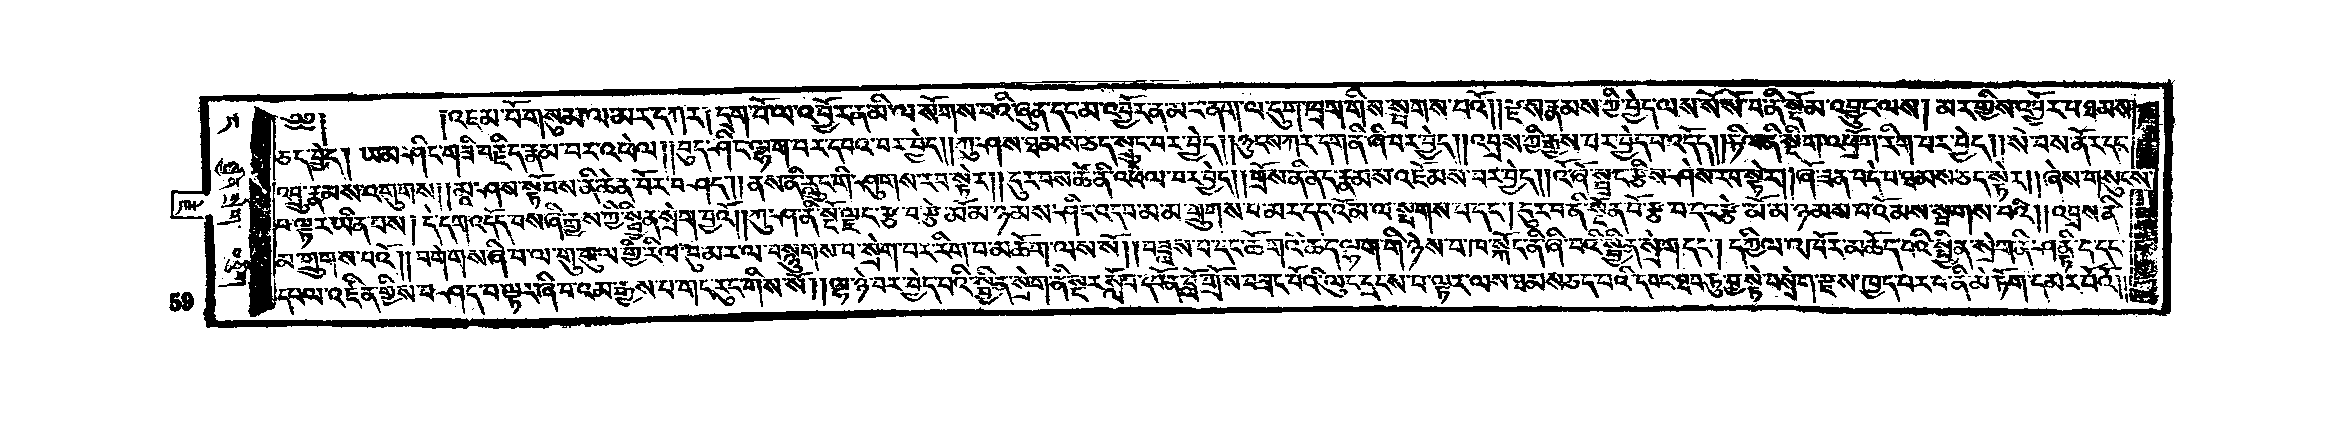༄༅། །འཇམ་པོ་གསུམ་ལ་མར་དཀར། དྲག་པོ་ལ་འབྱོར་ན་མི་ལ་སོགས་པའི་ཞུན་དང་མ་འབྱོར་ན་མར་ནག་ལ་དུག་ཁྲག་གིས་སྤགས་པའོ། །རྫས་རྣམས་ཀྱི་བྱེད་ལས་སོ་སོ་བ་ནི་སྡོམ་འབྱུང་ལས། མར་གྱིས་འབྱོར་པ་ཐམས་
ཅད་བྱེད། ཡམ་ཤིང་གཟི་བརྗིད་རྣམ་པར་འཕེལ། །བུད་ཤིང་ལྷག་བར་དཔའ་བར་བྱེད། །ཀུ་ཤས་ཐམས་ཅད་སྲུང་བར་བྱེད། །ཉུངས་ཀར་དག་ནི་ཞི་བར་བྱེད། །འབྲས་ཀྱི་རྒྱས་པར་བྱེད་པ་འདོད། །ཏིལ་ནི་སྡིག་འཕྲོག་རིག་པར་བྱེད། །སེ་བས་ནོར་དང་
འབྲུ་རྣམས་འགུགས། །མཱ་ཤས་སྟོབས་ནི་ཆེན་པོར་བཤད། །ནས་ནི་རླུང་གི་ཤུགས་རབ་སྟེར། །དུར་བས་ཚེ་ནི་འཕེལ་བར་བྱེད། །གྲོས་ནི་ནད་རྣམས་འཇོམས་པར་བྱེད། །འོ་ཞོ་སྦྲང་རྩིས་ཤེས་རབ་སྟེར། །ཞོ་ཟན་བདེ་པ་ཐམས་ཅད་སྟེར། །ཞེས་གསུངས་
པ་ལྟར་ཡིན་པས། དེ་དག་འདོད་པས་ཞི་རྒྱས་ཀྱི་སྦྱིན་སྲེག་བྱའོ། །ཀུ་ཤ་ནི་སྔོ་ལྗང་རྩ་བ་རྩེ་མོ་མ་ཉམས་ཤིང་འདབ་མ་མ་གྲུགས་པ་མར་དང་འོ་མ་ལ་སྤགས་པ་དང་། དུར་བ་ནི་སྔོན་པོ་རྩ་བ་དང་རྩེ་མོ་མ་ཉམས་པ་འོ་མས་སྤགས་པའི། །འབྲས་ནི་
མ་གྲུགས་པའོ། །བགེགས་ཞི་པ་ལ་གུ་གུལ་གྱི་གྱི་རིལ་བུ་མར་ལ་བསྙུགས་པ་སྲེག་པར་རིག་པ་མཆོག་ལས་སོ། །བཟླས་པ་དང་ཆོ་གའི་ཆད་ལྷག་གི་ཉེས་པ་ཁ་སྐོང་ནི་ཞི་བའི་སྦྱིན་སྲེག་དང་། དཀྱིལ་འཁོར་མཆོད་པའི་སྦྱིན་སྲེག་ནི་ཤནྟི་ད་དང་
དཔལ་འཛིན་གྱིས་བཤད་པ་ལྟར་ཞི་བ་འམ་རྒྱས་པ་གང་རུང་གིས་སོ། །ལྷ་ཉེ་བར་བྱེད་པའི་སྦྱིན་སྲེག་ནི་སྔར་སློབ་དཔོན་བློ་གྲོས་བཟང་པོའི་ལུང་དྲངས་པ་ལྟར་ལས་ཐམས་ཅད་པའི་དབང་ཐབ་ཏུ་བྱ་སྟེ་བསྲེག་རྫས་ཁྱད་པར་བ་ནི་མེ་ཏོག་དམར་པོའོ། །